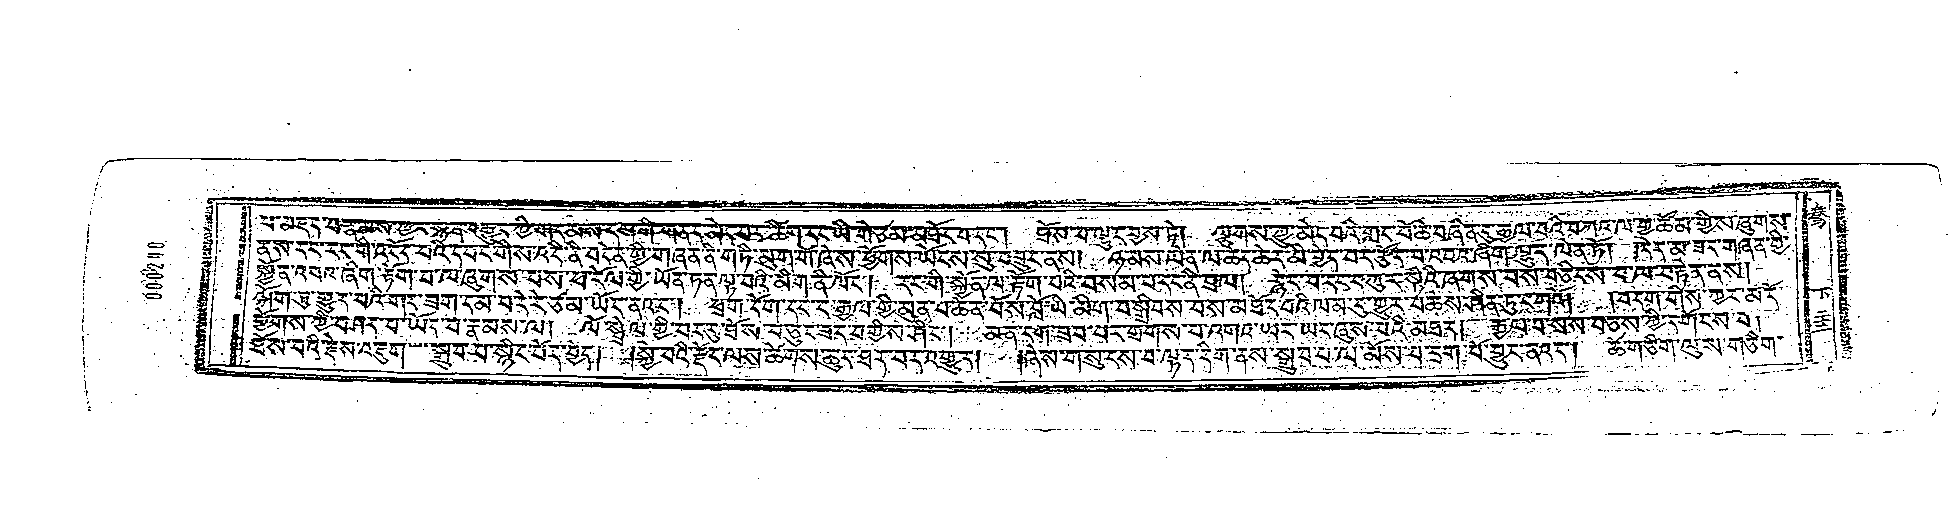པ་མཇད་བ་རྣམས་ཀྱང་སྙན་བརྒྱུད་ཀྱི་གདམས་ངག་གི་གནང་མེད་བར་ཚིག་དང་ཡི་གེ་ཙམ་མཐོང་བ་དང་། ཐོས་བ་ལྷུང་བྱས་ཏེ། ལྕགས་ཀྱུ་མེད་བའི་གླང་པོ་ཆེ་བཞིན་དུ་རྒྱལ་བའི་བཀའ་ལ་གྱ་ཚོམ་གྱིས་ཞུགས་
ནས་རང་རང་གི་འདོད་བའི་དབང་གིས་འདི་ནི་བདེན་གྱི་གཞན་ནི་གཏི་མུག་གོ་ཞེས་ཕྱོགས་ཡོངས་སུ་བྲུང་ནས། ཉམས་ལེན་ལ་ཆད་ཆེར་མི་བྱེད་བར་རྩོད་བ་འབའ་ཞིག་ལྷུར་ལེན་ཏོ། །དེར་མ་ཟད་གཞན་གྱི་
སྐྱོན་འབའ་ཞིག་རྟོག་བ་ལ་ཞུགས་པས་ཕ་རོལ་གྱི་ཡོན་ཏན་ལྟ་བའི་མིག་ནི་ལོང་། རང་གི་སྐྱོན་ལ་རྟོག་པའི་བསམ་པ་དང་ནི་བྲལ། རྙེད་བ་དང་བཀུར་སྟིའི་ཞགས་བས་བཅིངས་བ་ལ་བརྟེན་དྣས།
ལྐོག་ཏུ་གྱུར་བའི་གང་ཟག་དམ་པ་རེ་རེ་ཙམ་ཡོད་ནའང་། ཕྲག་དོག་དང་ང་རྒྱལ་གྱི་མུན་བ་ཆེན་པོས་བློ་ཡི་མིག་བསྒྲིབས་པས་མཐོང་བའི་ལམ་དུ་གྱུར་པ་ཆེས་ཤིན་ཏུ་དཀའོ། །བདག་གིས་ཀྱང་མདོ་
ཕྱོགས་ཀྱི་བཤད་པ་ཡོད་པ་རྣམས་ལ། ལོ་སྦྲེལ་གྱི་བར་དུ་ཐོས་པ་ཅུང་ཟད་བགྱིས་ཤིང་། མན་ངག་ཟབ་བར་གྲགས་བ་འགའ་ཡང་ཡང་ཞུས་པའི་མཐར། རྒྱལ་བ་སྲས་བཅས་ཀྱི་དགོངས་བ།
ཐོས་པའི་རྗེས་འཇུག་སྒྲུབ་བ་སྙིང་པོར་བྱེད། །སྐྱེ་བའི་རྗོད་ལས་ཚེགས་ཆུད་ཐར་བར་འགྱུར། །ཞེས་གསུངས་བ་ལྟར་རིག་ནས་སྒྲུབ་བ་ལ་མོས་པ་དྲག་པོ་བྱུང་ནའང་། ཚེ་གཅིག་ལུས་གཅིག་